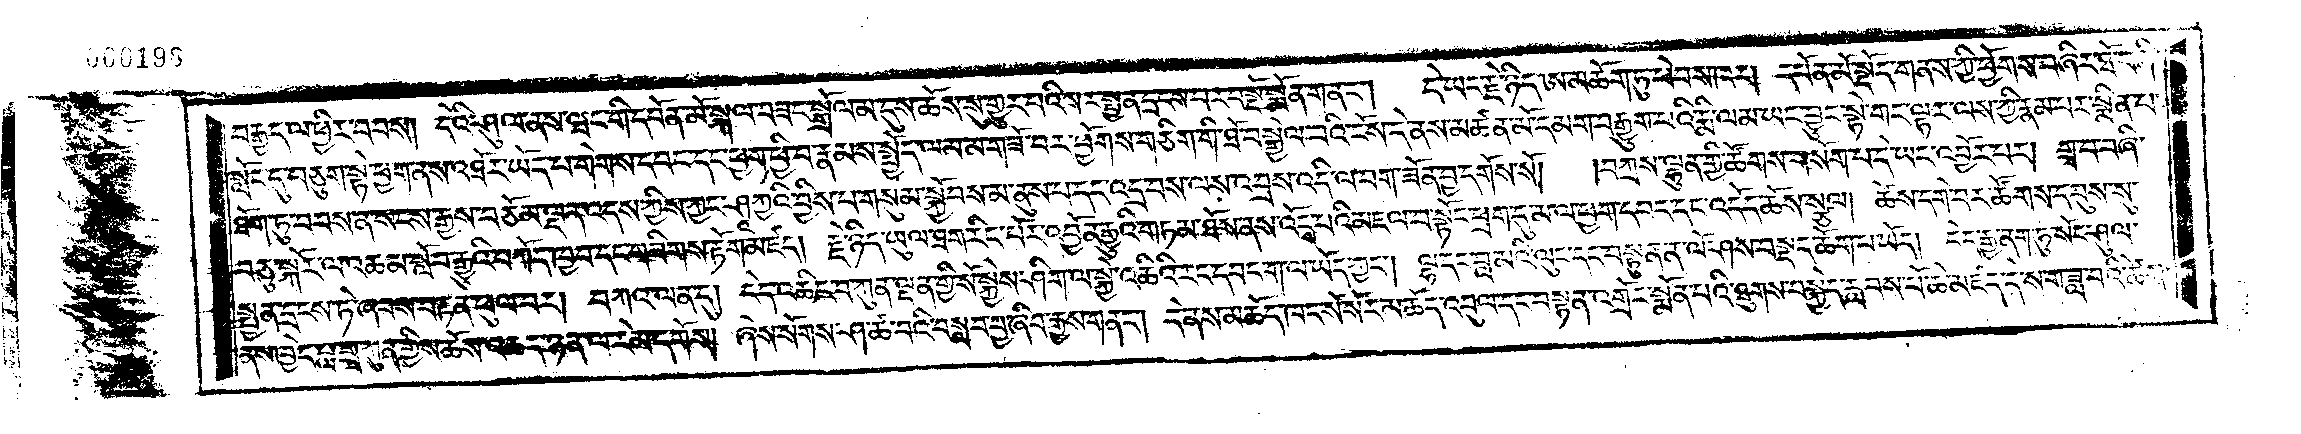བརྒྱད་ལ་ཕྱིར་བབས། དེའི་ཤུལ་ནས་ཝང་གི་དཔོན་མོ་སྐལ་བཟང་སྒྲོལ་མ་དུས་ཆོས་སུ་གྱུར་པའི་སར་སྤྱན་དྲངས་པར་བསྔོ་སྨོན་གནང་། དེ་ཡང་རྗེ་ཉིད་ཨ་མཆོག་ཏུ་ཕེབས་ཁར། དཔོན་མོ་སྡོད་གནས་ཀྱི་ཕྱོགས་བཞིར་ཐོ་བཞི་
སློང་དུ་བཅུག་སྟེ་ཕྱག་ནས་འཐོར་ཡོད་པ་གེགས་དབང་དང་ཕྱག་ཕྱི་བ་རྣམས་སྤྱོད་ལམ་མ་གཟོ་བར་ཕྱོགས་གཅིག་གི་ཐོ་བསྒྱེལ་བའི་ངོས་དེ་ནས་མཚན་མོ་དམག་བརྒྱུག་པའི་རྨི་ལམ་ཡང་བྱུང་སྟེ་གང་ལྟར་ལས་ཀྱི་རྣམ་པར་སྨིན་པ་
ཐོག་ཏུ་བབས་ན་སངས་རྒྱས་བཅོམ་ལྡན་འདས་ཀྱིས་ཀྱང་ཤཱཀྱའི་བྱིས་པ་གསུམ་སྐྱོབས་མ་ནུས་པ་དང་འདྲ་བས་ལས་འབྲས་འདི་ལ་བག་ཟོན་བྱ་དགོས་སོ། །བཀྲས་ལྷུན་གྱི་ཚོགས་གསོག་པ་དེ་ཡང་འབྱོར་པར། གྲྭ་བ་བཞི་
བཅུ་སྐོར་ལ་འཆམ་སློབ་རྒྱུའི་བཀོད་ཁྱབ་དང་གཟིགས་རྟོག་མཛད། རྗེ་ཉིད་ཡུལ་ཐག་རིང་པོར་འབྱོན་རྒྱུའི་གཏམ་ཐོས་ནས་འོངས་པའི་མཇལ་པ་སྟོང་ཕྲག་དུ་མ་ལ་ཕྱག་དབང་དང་འདོད་ཆོས་སྩལ། ཚེས་དགེ་བར་ཚོགས་དབུས་སུ་
སྤྱན་དྲངས་ཏེ་ཞབས་བརྟན་ཕུལ་བར། བཀའ་ལན་དུ། ངེད་འཆིང་བ་ཀུན་ལྡན་གྱི་སོ་སྐྱེས་ཤིག་ལ་སྐྱེ་འཆིའི་རང་དབང་ག་ལ་ཡོད་ཀྱང་། ལྷ་དང་བླ་མའི་ལུང་དང་བསྟུན་ན་ལོ་ཤས་བསྡད་ཆོག་པ་ཡོད། ངེད་རྒྱ་ནག་ཏུ་སོང་ཤུལ་
ནས་ཁྱེད་བླ་གྲྭ་ཀུན་གྱིས་ཆོས་འཆད་ཉན་ལ་རེམ་དགོས། ཞེས་སོགས་ཤ་ཚ་བའི་བསླབ་བྱ་ཞིབ་རྒྱས་གནང་། དེ་ནས་མཆོད་ཁང་སོ་སོར་མཆོད་འབུལ་དང་བསྟན་འགྲོར་སྨོན་པའི་ཐུགས་བསྐྱེད་རླབས་པོ་ཆེ་མཛད་དེ་ས་ག་ཟླ་བའི་ཚེས་